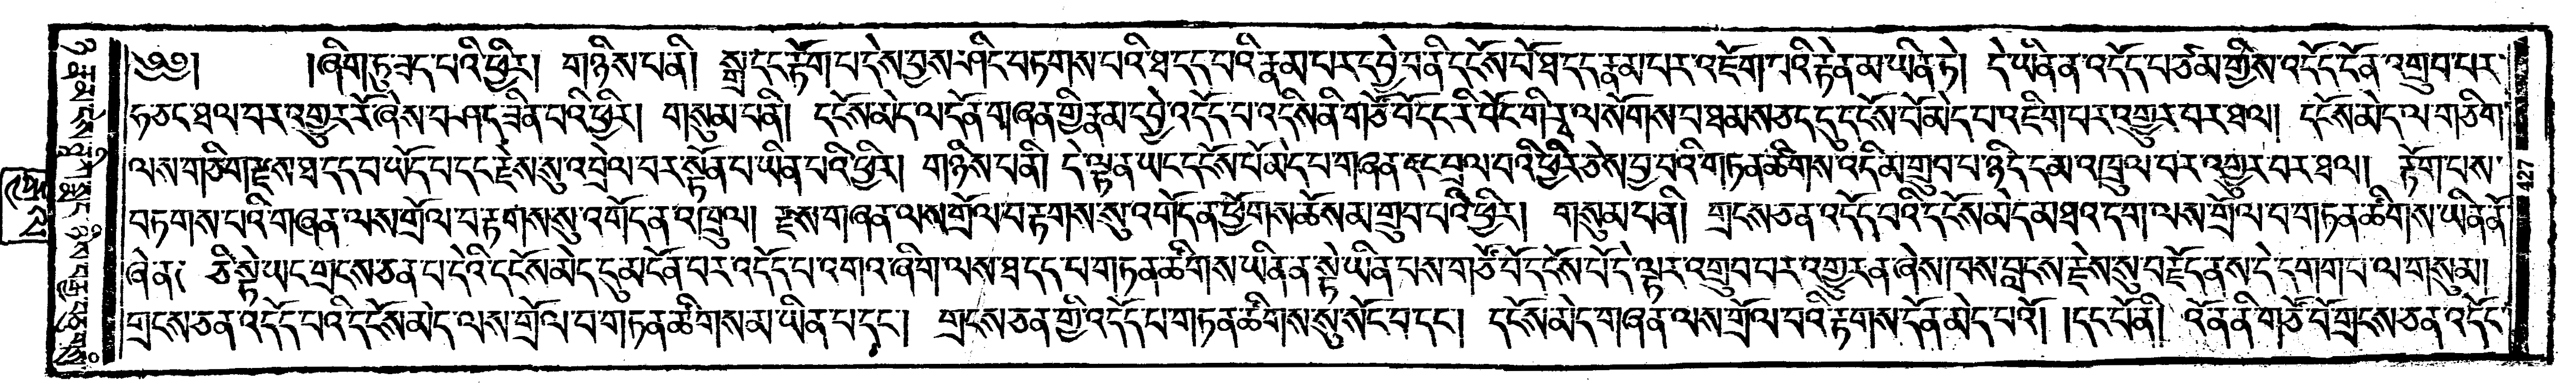༄༅། །ཞིག་ཏུ་ཟད་པའི་ཕྱིར། གཉིས་པ་ནི། སྒྲ་དང་རྟོག་པ་དེས་བྱས་ཤིང་བཏགས་པའི་ཐ་དད་པའི་རྣམ་པར་དབྱེ་བ་ནི་དངོས་པོ་ཐ་དད་རྣམ་པར་འཇོག་པའི་རྟེན་མ་ཡིན་ཏེ། དེ་ཡིན་ན་འདོད་པ་ཙམ་གྱིས་འདོད་དོན་འགྲུབ་པར་
ཧ་ཅང་ཐལ་བར་འགྱུར་རོ་ཞེས་བཤད་ཟིན་པའི་ཕྱིར། གསུམ་པ་ནི། དངོས་མེད་ལ་དོན་གཞན་གྱི་རྣམ་དབྱེ་འདོད་པ་འདིས་ནི་གཙོ་བོ་དང་རི་བོང་གི་རྭ་ལ་སོགས་པ་ཐམས་ཅད་དུ་དངོས་པོ་མེད་པ་འཇིག་པར་འགྱུར་བར་ཐལ། དངོས་མེད་ལ་གཅིག་
ལས་གཅིག་རྫས་ཐ་དད་བ་ཡོད་པ་དང་རྗེས་སུ་འབྲེལ་བར་སྟོན་པ་ཡིན་པའི་ཕྱིར། གཉིས་པ་ནི། དེ་ལྟ་ན་ཡང་དངོས་པོ་མེད་པ་གཞན་དང་བྲལ་བའི་ཕྱིར་ཅེས་བྱ་བའི་གཏན་ཚིགས་འདི་མ་གྲུབ་པ་ཉིད་དམ་འཁྲུལ་བར་འགྱུར་བར་ཐལ། རྟོག་པས་
བཏགས་པའི་གཞན་ལས་གྲོལ་བ་རྟགས་སུ་འགོད་ན་འཁྲུལ། རྫས་གཞན་ལས་གྲོལ་བ་རྟགས་སུ་འགོད་ན་ཕྱོགས་ཆོས་མ་གྲུབ་པའི་ཕྱིར། གསུམ་པ་ནི། གྲངས་ཅན་འདོད་བའི་དངོས་མེད་མཐའ་དག་ལས་གྲོལ་བ་གཏན་ཚིགས་ཡིན་ནོ་
ཞེ་ན༑ ཅི་སྟེ་ཡང་གྲངས་ཅན་པ་དེའི་དངོས་མེད་དུ་མངོན་པར་འདོད་པ་འགའ་ཞིག་ལས་ཐ་དད་པ་གཏན་ཚིགས་ཡིན་ན་སྟེ་ཡིན་པས་གཙོ་བོ་དངོས་པོ་དེ་ལྟར་འགྲུབ་པར་འགྱུར་ན་ཞེས་ཁས་བླངས་རྗེས་སུ་བརྗོད་ནས་དེ་དགག་པ་ལ་གསུམ།
གྲངས་ཅན་འདོད་པའི་དངོས་མེད་ལས་གྲོལ་བ་གཏན་ཚིགས་མ་ཡིན་པ་དང་། གྲངས་ཅན་གྱི་འདོད་པ་གཏན་ཚིགས་སུ་སོང་བ་དང་། དངོས་མེད་གཞན་ལས་གྲོལ་བའི་རྟགས་དོན་མེད་པའོ། །དང་པོ་ནི། འོ་ན་ནི་གཙོ་བོ་གྲངས་ཅན་འདོང་